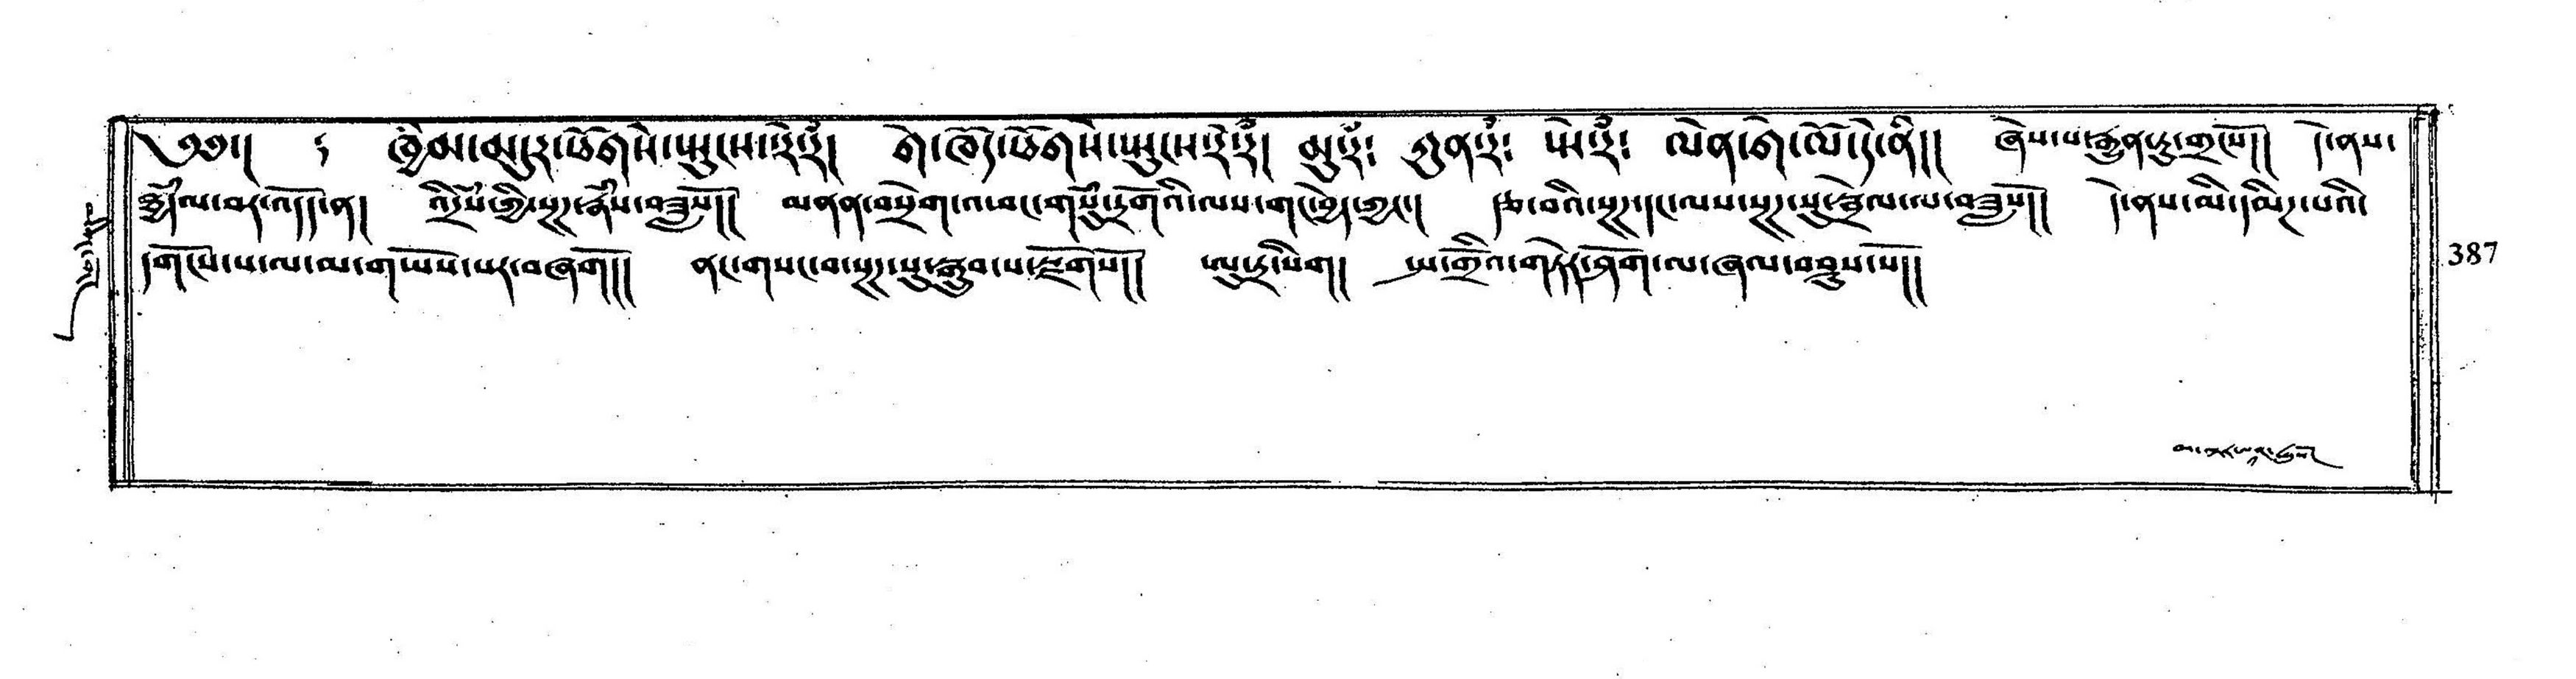ཁྱིམ་མདུར་ཕོགསེ་སྤུངས་རེ་རཾ། གེ་ཁོད་ཕོགསེ་སྤུངས་རེ་རཾ། མུ་རཾ༴ ཀུན་རཾ༴ སྤེ་རཾ༴ ལེན་གེ་ལོ་དེ་ནི།། ཞེས་པ་རྒྱུན་ཏུ་གྲངས་སོ།། དེ་ནས་
ཐུགས་དམ་བསྐུལ་བར་འདོད་ན། འདྲིམས་༼འདི་རྣམས༽ཀྱི་སྔགས་རྣམས་བཟླས་སོ། མནན་བསྲེག་འཕང་གསུམ་དྲག་པོའི་ལས་གང་བྱེད་ཀྱང་། རྩ་བའི་སྔགས་དང་ལས་སྔགས་སུ་སྦྲེལ་ལ་བཟླས་སོ།། དེ་ནས་མི་དམིགས་པའི་
དགོངས་པ་ལ་མ་གཡོས་པར་བཞག་གོ།། ནང་གསང་བ་སྔགས་སུ་སྒྲུབ་པ་རྫོགས་སོ།། ཨུ་ཏྲ་སིག སྤ་གྲོའི་གཏེར་ཤོག་ལ་ཞལ་བཤུས་སོ།།